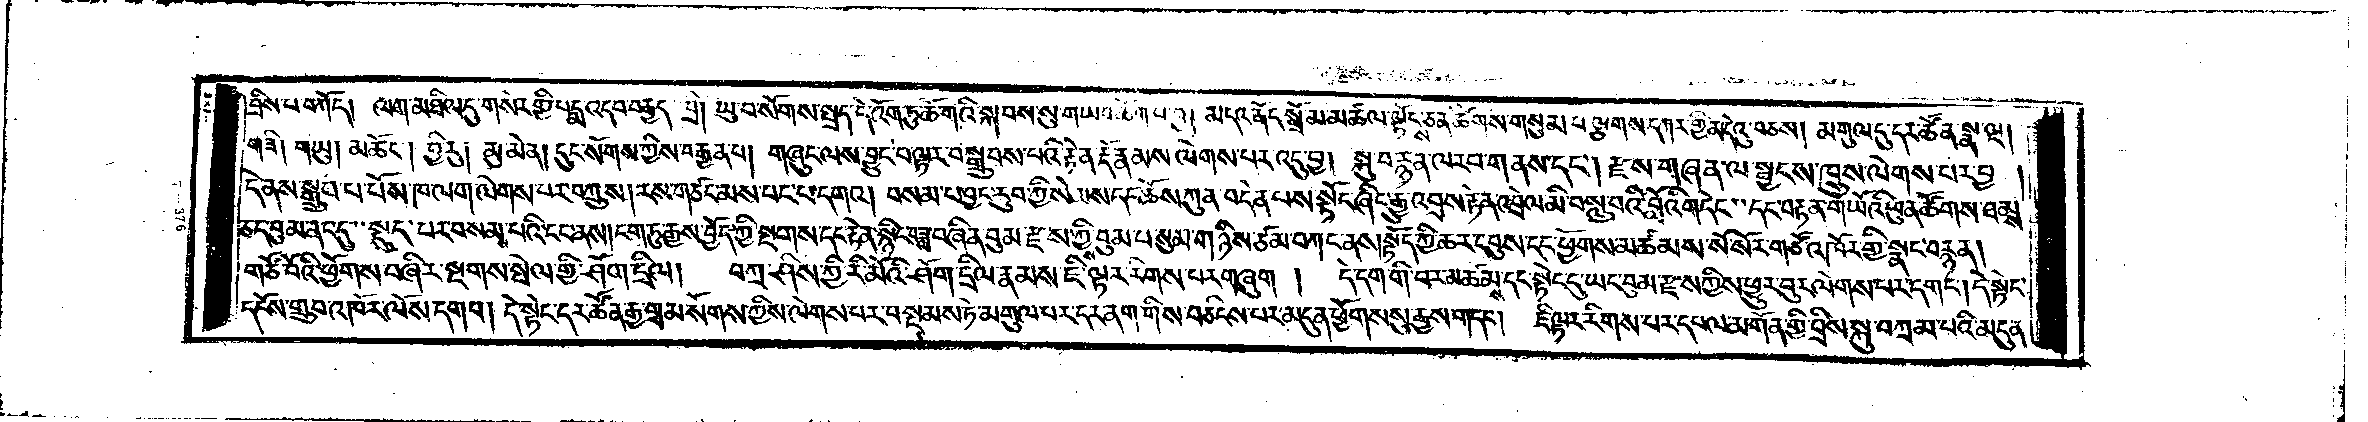བྲིས་ལ་བཀོད། ལག་མཐིལ་དུ་གསེར་གྱི་པདམ་འདབ་བརྒྱད་བྲི། ཡུ་བ་སོགས་སྤྲད་དེ་འོག་ཏུ་ཆོ་གའི་སྐབས་སུ་གཡབ་ཆོག་པ་བྱ། མདའ་རྒོད་སྒྲོ་མ་མཚལ་ལྟོངས་ཅན་ཚིགས་གསུམ་པ་ལྕགས་དཀར་གྱི་མདེའུ་བཅས། མགུལ་དུ་དར་ཚོན་སྣ་ལྔ།
གཟི། གཡུ། མཆོད། བྱི་རུ། མུ་མེན། དུང་སོགས་ཀྱིས་བརྒྱན་པ། གཞུང་ལས་བྱུང་པ་ལྟར་བསྒྲུབས་པའི་རྟེན་རྡོ་རྣམས་ལེགས་པར་འདུ་བྱ། སྐུ་བ་རྙན་ལ་རབ་གནས་དང་། རྫས་གཞན་ལ་སྦྱངས་ཁྲུས་ལེགས་པར་བྱ།
དེ་ནས་སྒྲུབ་པ་པོས་ཁ་ལག་ལེགས་པར་བཀྲུས། རས་གཙང་མས་པང་པ་དགབ། བསམ་པ་བྱང་ཆུབ་ཀྱི་སེམས་དང་ཆོས་ཀུན་བདེན་པས་སྟོང་ཞིང་རྒྱུ་འབྲས་རྟེན་འབྲེལ་མི་བསླུ་བའི་བློའི་གདེང་དང་བརྟན་གཡོའི་ཕུན་ཚོགས་ཐམས་
ཅད་བུམ་ནང་དུ་སྡུད་པར་བསམས་པའི་ངང་ནས། ངག་ཏུ་རྒྱས་བྱེད་ཀྱི་སྔགས་དང་རྟེན་སྙིང་བཟའ་བཞིན་བུམ་རྫས་ཀྱིས་བུམ་པ་སུམ་གཉིས་ཙམ་བཀང་ནས། སྟོད་ཀྱི་ཆར་དབུས་དང་ཕྱོགས་མཚམས་སོ་སོར་གཙོ་འཁོར་གྱི་སྣང་བརྙན།
གཙོ་བོའི་ཕྱོགས་བཞིར་སྔགས་སྤེལ་གྱི་ཤོག་དྲིལ། བཀྲ་ཤིས་ཀྱི་རི་མོའི་ཤོག་དྲིལ་རྣམས་ཇི་ལྟར་རིགས་པར་གཞུག །དེ་དག་གི་བར་མཚམས་དང་སྟེང་དུ་ཡང་བུམ་རྫས་ཀྱིས་ཕྱུར་བུར་ལེགས་པར་དག་བ། དེ་སྟེང་
དངོས་གྲུབ་འཁོར་ལོས་དག་བ། དེ་སྟེང་དར་ཚོན་རྒྱ་གྲམ་སོགས་ཀྱིས་ལེགས་པར་བསྡམས་ཏེ་མགུལ་པར་དར་ནག་གིས་བཅིངས་པར་མདུན་ཕྱོགས་སུ་རྒྱས་གདབ། ཇི་ལྟར་རིགས་པར་དཔལ་མགོན་གྱི་བྲིས་སྐུ་བགྲམ་པའི་མདུན་